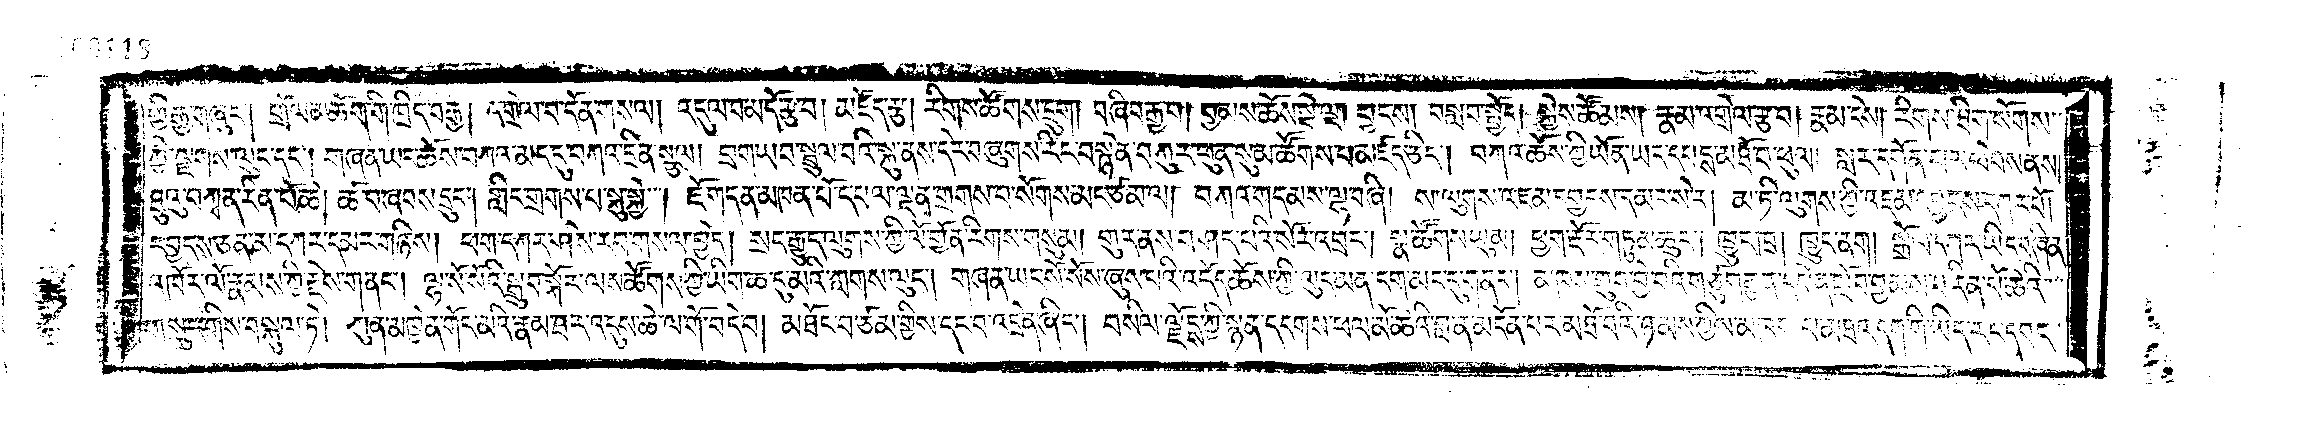གྱི་རྒྱ་གཞུང་། གྲོལ་མཆོག་གི་ཁྲིད་བརྒྱ། འགྲེལ་པ་དོན་གསལ། འདུལ་བ་མདོ་རྩ་བ། མཛོད་རྩ། རིགས་ཚོགས་དྲུག། བཞི་བརྒྱ་པ། བྱམས་ཆོས་སྡེ་ལྔ། བྱང་ས། བསླབ་སྤྱོད། སྐྱེས་ཚོམས། རྣམ་འགྲེལ་རྩ་བ། རྣམ་ངེས། རིགས་ཐིག་སོགས་
ཀྱི་ལྗགས་ལུང་དང་། གཞན་ཡང་ཆོས་བཀའ་མང་དུ་བཀའ་དྲིན་སྩལ། བྲག་ཡབ་སྤྲུལ་པའི་སྐུ་ནས་དེར་བཞུགས་རིང་བསྙེན་བཀུར་ཕུན་སུམ་ཚོགས་པ་མཛད་ཅིང་། བཀའ་ཆོས་ཀྱི་ཡོན་ཡང་དཔངས་མཐོ་བ་ཕུལ། སླར་དགོན་པར་ཕེབས་ནས།
ཐུའུ་བཀྭན་རིན་པོ་ཆེ། ཚ་བ་ཞབས་དྲུང་། གླིང་གྲགས་པ་སྐུ་སྐྱེ། ཇོ་གདན་མཁན་པོ་དཔལ་ལྡན་གྲགས་པ་སོགས་མང་ཙམ་ལ། བཀའ་གདམས་ལྷ་བཞི། ས་ལུགས་འཇམ་དབྱངས་དམར་སེར། མ་ཏི་ལུགས་ཀྱི་འཇམ་དབྱངས་དཀར་པོ།
དབྱངས་ཅན་མ་དཀར་དམར་གཉིས། ཕག་དཀར་ཤེས་རབ་གསལ་བྱེད། སྲད་རྒྱུད་ལུགས་ཀྱི་ལོ་གྱོན་རིགས་གསུམ། གུར་ནས་བཤད་པའི་སོར་འབྲང་། སྣ་ཚོགས་ཡུམ། ཕྱག་རྡོར་གཏུམ་ཆུང་། ཁྱུང་ཁྲ། ཁྱུང་ངག། སྒྲོལ་དཀར་ཡིད་བཞིན་
འཁོར་ལོ་རྣམས་ཀྱི་རྗེས་གནང་། ལྷ་སོ་སོའི་སྒྲུབ་སྐོར་ལས་ཚོགས་ཀྱི་ཡིག་ཆ་དུ་མའི་ཀླགས་ལུང་། གཞན་ཡང་སོ་སོས་ཞུས་པའི་འདོད་ཆོས་ཀྱི་ལུང་མན་ངག་མང་དུ་གནང་། མཁས་གྲུབ་བྱེ་བའི་གཙུག་རྒྱན་དཔོན་སློབ་བྱམས་པ་རིན་པོ་ཆེའི་
གསུང་གིས་བསྐུལ་ཏེ། ཀུན་མཁྱེན་གོང་མའི་རྣམ་ཐང་འདུས་ཆེ་ལ་གོ་བདེ་བ། མཐོང་བ་ཙམ་གྱིས་དང་བ་འདྲེན་ཞིང་། བསིལ་ལྗོངས་ཀྱི་སྙན་དངགས་ཕལ་མོ་ཆེའི་བླ་ན་མངོན་པར་མཐོ་བའི་ཉམས་ཀྱིས་མཁས་པ་མཐའ་དག་གི་ཡིད་རང་དབང་